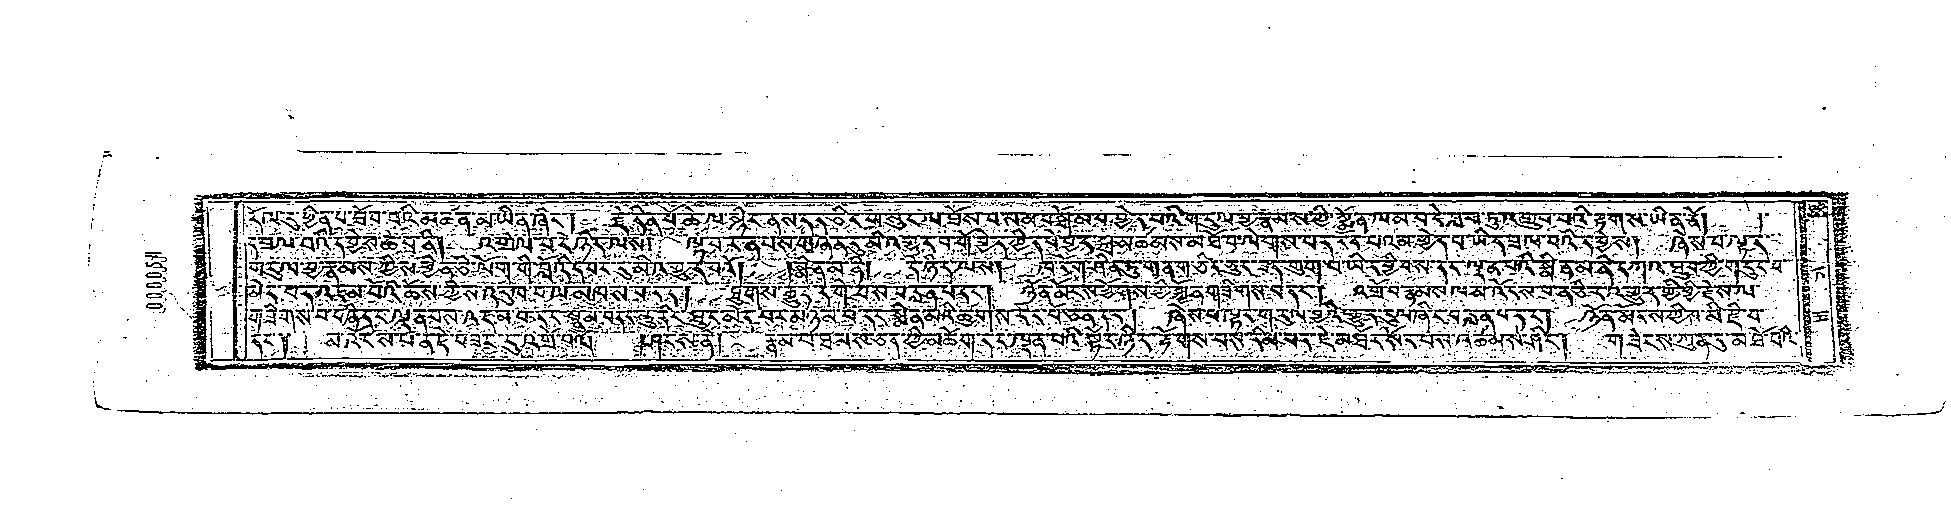རོལ་དུ་ཕྱིན་པ་ཐོབ་པའི་མཚན་མ་ཡིན་ཞིང་། རྗེ་རིན་པོ་ཆེ་ལ་སྙིང་ནས་དད་ཅིང་གསུང་ལ་ཐོས་བསམ་བསྒོམ་པ་བྱེད་པའི་གདུལ་བྱ་རྣམས་ཀྱི་སྨོན་ལམ་བདེ་ཀླག་ཏུ་འགྲུབ་པའི་རྟགས་ཡིན་ནོ། །
དཔྲལ་བའི་དབྱེས་ཆེ་བ་ནི། འགྲེལ་པ་དེ་ཉིད་ལས། ལྟ་བར་ན་པས་གཞན་དུ་མི་འགྱུར་བ་གོ་བྱེད་ཀྱི་དཔེ་བྱད་སྐྲ་མཚམས་མཐོ་བ་ལེགས་པར་དོད་པའམ་ཕྱེད་པ་ཡི་དཔྲལ་བའི་དབྱེས། ཞེས་པ་ལྟར་
གདུལ་བྱ་རྣམས་ཀྱིས་ཕྱིན་ཅི་ལོག་གི་བློའི་དབང་དུ་མི་འགྱུར་བའོ། །སྨིན་མ་ནི། དེ་ཉིད་ལས། ཁ་དོག་ཤིན་ཏུ་གནག་ཅིར་ཅུང་ཟད་གུག་པ་ཡི་དབྱིབས་དང་ལྡན་པའི་སྨིན་མ་ནི་དཀའ་ཐུབ་ཀྱི་གདུང་བ་
མེད་པར་འཇམ་བོའི་ཆོས་ཀྱིས་འདུབ་བ་ལ་མཁས་པ་དང་། ཐུགས་རྒྱུད་དགེ་བས་བརླན་པ་དང་། ཉོན་མོངས་ཕྱོགས་ཀྱི་སྐྱོན་གཟིགས་བདར། འགྲོ་བ་རྣམས་ལམ་འོངས་པ་ན་ཅིར་འགྱུར་གྱི་ཕྱི་རྗེས་ལ་
གཟིགས་པ་བཞི་དང་ལྡན་པས་འཇམ་བ་དང་སྣུམ་བ་དང་སྤུ་རིང་ཐུང་མེད་པར་མཉམ་པ་དང་སྨིན་མའི་ཚུགས་དོར་པོ་ཅན་དང་། ཞེས་པ་ལྟད་གདུད་བའི་རྒྱུད་དུལ་ཞིང་བརླན་པ་དང་། ཉོན་མོངས་ཀྱིས་མི་རྫི་བ་
དང༑ མ་འོངས་པ་ན་ཇེ་བཟང་དུ་འགྲོ་བའོ། །ཤངས་ནི། རྣམ་པ་ཐམས་ཅད་ཀྱི་མཆོག་དང་ལྡན་པའི་སྟོང་ཉིད་རྟོགས་པས་རིམ་པར་ཇེ་མཐོར་སོང་བས་འཚམས་ཤིང་། གཟེངས་ཀུན་དུ་མཐོ་བའི་